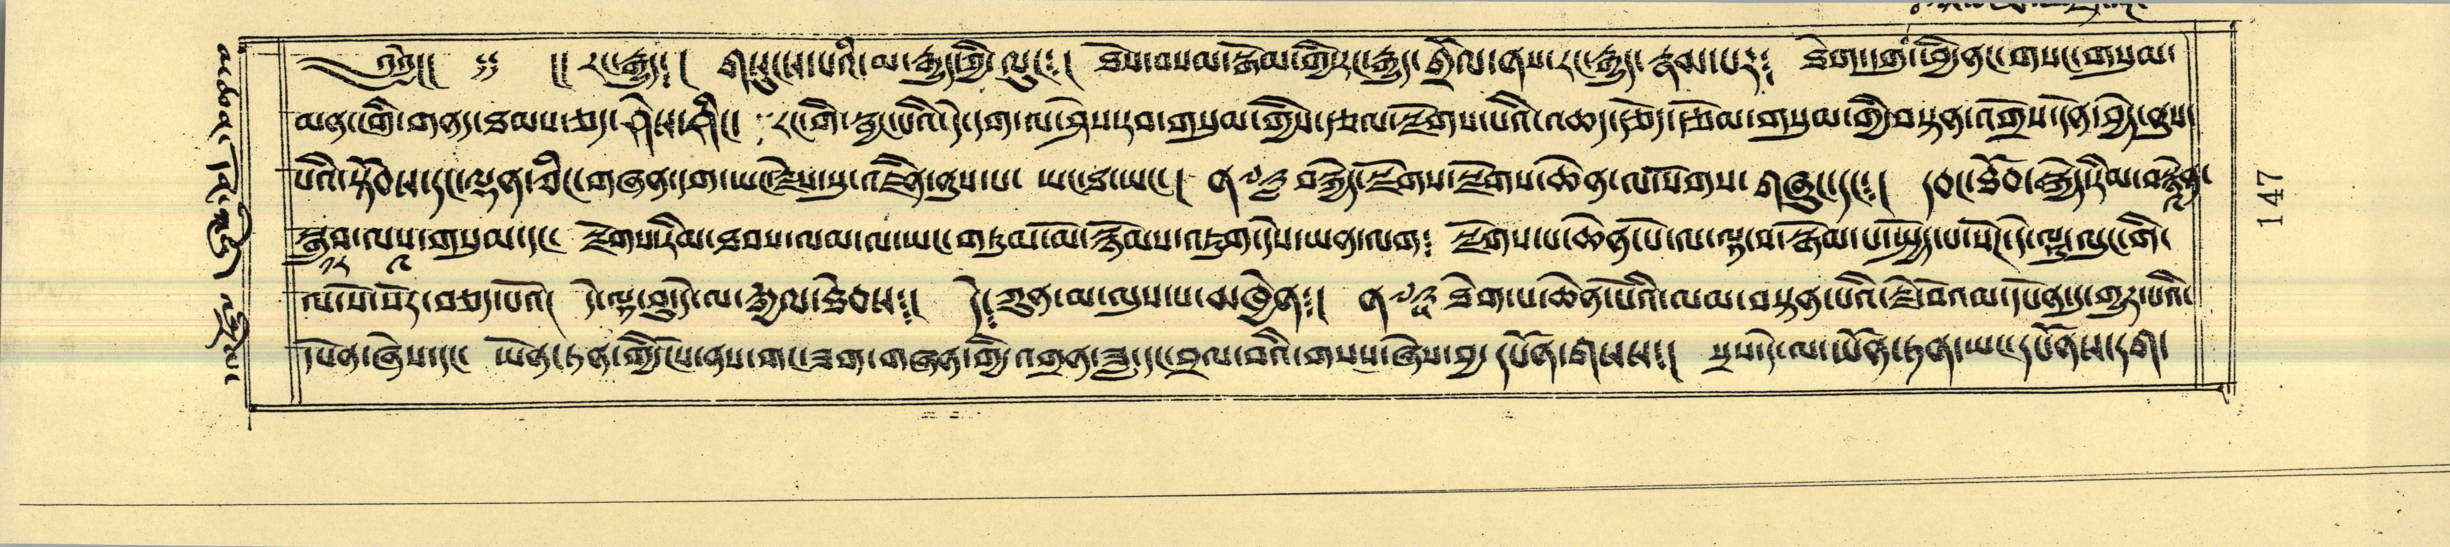རང་རྒྱུད་༼གསུངས་པའི༽མ་རྒྱུད་ཀྱི་༼ལུང་༽ཐོས་བསམ་སྒོམ་གྱི་རང་རྒྱུད་༼གྲོལ་ནས༽རང་རྒྱུད་༼རྣམ་པར༽ཐེག་དགུ་ཕྱི་ནང་གསང་གསུམ་
མན་ངག་གི་གནད་ཐམས་ཅད་༼ཤེས་ཤིང༽རང་གི་སྦྱང་པའི་དེ་དག་ལ་ཤེས་རབ་གསུམ་གྱི་རྩལ་རྫོགས་པའི་འཆད་རྩོད་རྩོམ་གསུམ་གྱིས་བསྟན་འགྲོའི་དོན་བྱེད་ནུས་
པའི་༼སྟོབས་དང་ལྡན་ཅིང༽གཞན་དག་ཀྱང་རྗེས་སུ་འཛིན་ནུས་པ་ཡང་ཐ་ཡང་ན༧༢།༤ བསྐྱེད་རྫོགས་རྫོགས་ཆེན་ལ་སོགས་༼གཞུང་དང༽༼དབང་ཐོབ༽བསྐྱེད་རིམ་བསྙེན་
སྒྲུབ་ལས་གསུམ་དང་རྫོགས་རིམ་ཐབས་ལམ་ལ་ཡང་གཏུམ་མོ་སྙོམས་འཇུག་དེའི་ཡན་ལག་རྫོགས་པ་ཆེན་པོ་ལ་ལྟ་བ་སྒོམ་པ་སྤྱོད་པ་སོགས་དེ་ལྟ་བུ་ལུང་གི་
ལ་སོ་སོར་བཅད་པའོ། དེ་ལྟ་བུ་དེ་ལ་༼རྒྱལ་ཐེབས༽ ༼དེ༽ཀུན་མ་ལུས་པ་༼མཁྱེན༽ན༧༢།༥ཐེག་པ་ཆེན་པོའི་ལམ་བསྟན་པའི་རྗེ་བོ་འམ་དཔོན་དུ་གྱུར་པའི་
དཔོན་ཞེས་དང་། ཡོན་ཏན་གྱི་ངོས་ནས་གང་ཟག་གཞན་གྱི་འགྲན་ཟླ་དང་བྲལ་བས་གསས་ཞེས་བྱ་༼དཔོན་གསས༽སྲས་དེ་ལ་༼ཡོན་ཏན༽ཡང་༼དཔོན་གསས་དག༽